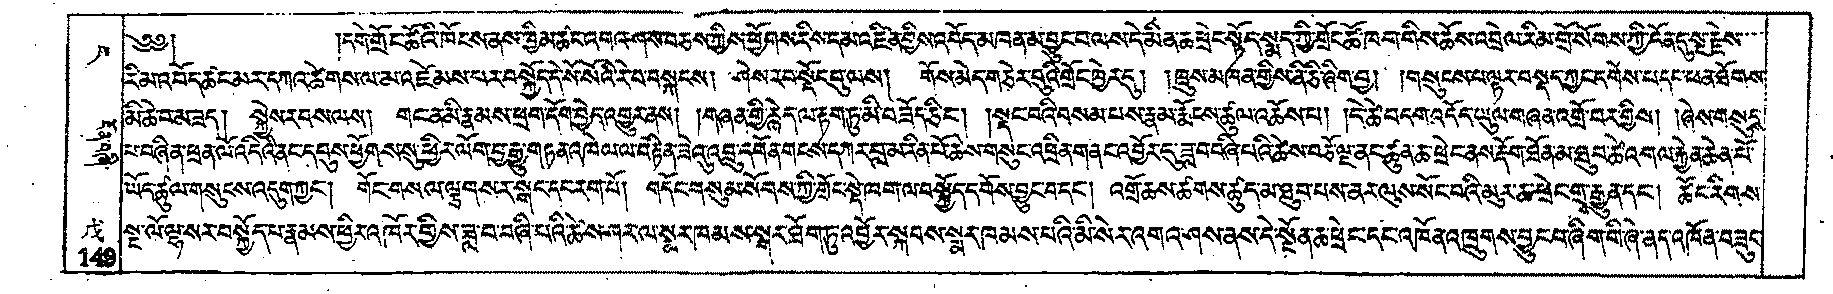༄༅། །དགེ་གྲོང་ཚོའི་ཁོངས་ནས་ཁྱིམ་ཚང་འགའ་ཤས་བཅས་ཀྱིས་ཕྱོགས་རིས་དམ་འཛིན་གྱིས་འབོད་མཁན་མ་བྱུང་བ་ལས་དེ་མིན་ཆ་ཕྲེང་སྟོད་སྨད་ཀྱི་གྲོང་ཚོ་ཁག་གིས་ཆོས་འབྲེལ་རིམ་གྲོ་སོགས་ཀྱི་དོན་དུ་སྔ་རྗེས་
རིམ་འབོད་ཚང་མར་དཀའ་ཚེགས་ལ་མ་འཛེམས་པར་བསྐྱོད་དེ་སོ་སོའི་རེ་བ་བསྐངས། ཤེས་རབ་སྡོང་བུ་ལས། གོས་མེད་གཅེར་བུའི་གྲོང་ཁྱེར་དུ། །ཁྲུས་མཁན་གྱིས་ནི་ཅི་ཞིག་བྱ། །གསུངས་པ་ལྟར་བསྡད་ཀྱང་དགོས་པ་དང་ཕན་ཐོགས་
མི་ཆེ་བ་མ་ཟད། སྐྱེས་རབས་ལས། གང་ན་མི་རྣམས་ཕྲག་དོག་བྱེད་འགྱུར་ནས། །གཞན་གྱི་རྙེད་ལ་རྟག་ཏུ་མི་བཟོད་ཅིང་། །སྡང་བའི་བསམ་པས་རྣམ་རྨོངས་ཚུལ་འཆོས་པ། །དེ་ཚེ་བདག་འདོད་ཡུལ་གཞན་འགྲོ་བར་གྱིས། །ཞེས་གསུངས་
པ་བཞིན་ཕྲན་ལོ་འདིའི་ནང་དབུས་ཕྱོགས་སུ་ཕྱིར་ལོག་བྱ་རྒྱུ་གཏན་འཁེལ་ལ་བརྟེན་ཟེའུ་འབྲུ་དགོན་གངས་དཀར་བླ་མ་རིན་པོ་ཆེས་གསུང་འཕྲིན་གནང་འབྱོར་དུ་ཟླ་བ་བཞི་པའི་ཚེས་བཅོ་ལྔ་ནང་ཚུན་ཆ་ཕྲེང་ནས་རྡོག་ཐོན་མ་ཐུབ་ཚེ་འགལ་རྐྱེན་ཆེན་པོ་
ཡོད་ཚུལ་གསུངས་འདུག་ཀྱང་། གོང་གསལ་ལྕགས་ར་སྒང་དང་རག་པོ། གདོང་གསུམ་སོགས་ཀྱི་གྲོང་སྡེ་ཁག་ལ་བསྐྱོད་དགོས་བྱུང་བ་དང་། འགྲོ་ཆས་ཚགས་ཚུད་མ་ཐུབ་པས་ནར་ལུས་སོང་བའི་མུར་ཆ་ཕྲེང་གྲྭ་རྒྱུན་དང་། ཚོང་རིགས་
སྔ་ལོ་ལྷ་སར་བསྐྱོད་པ་རྣམས་ཕྱིར་འཁོར་གྱིས་ཟླ་བ་བཞི་པའི་ཚེས་ཤར་ལ་སྨར་ཁམས་སྒར་ཐོག་ཏུ་འབྱོར་སྐབས་སྨར་ཁམས་པའི་མི་སེར་འགའ་ཤས་ནས་དེ་སྔོན་ཆ་ཕྲེང་དང་འཁོན་འཁྲུགས་བྱུང་བ་ཞིག་གི་ཞེ་ནད་འཁོན་བཟུང་